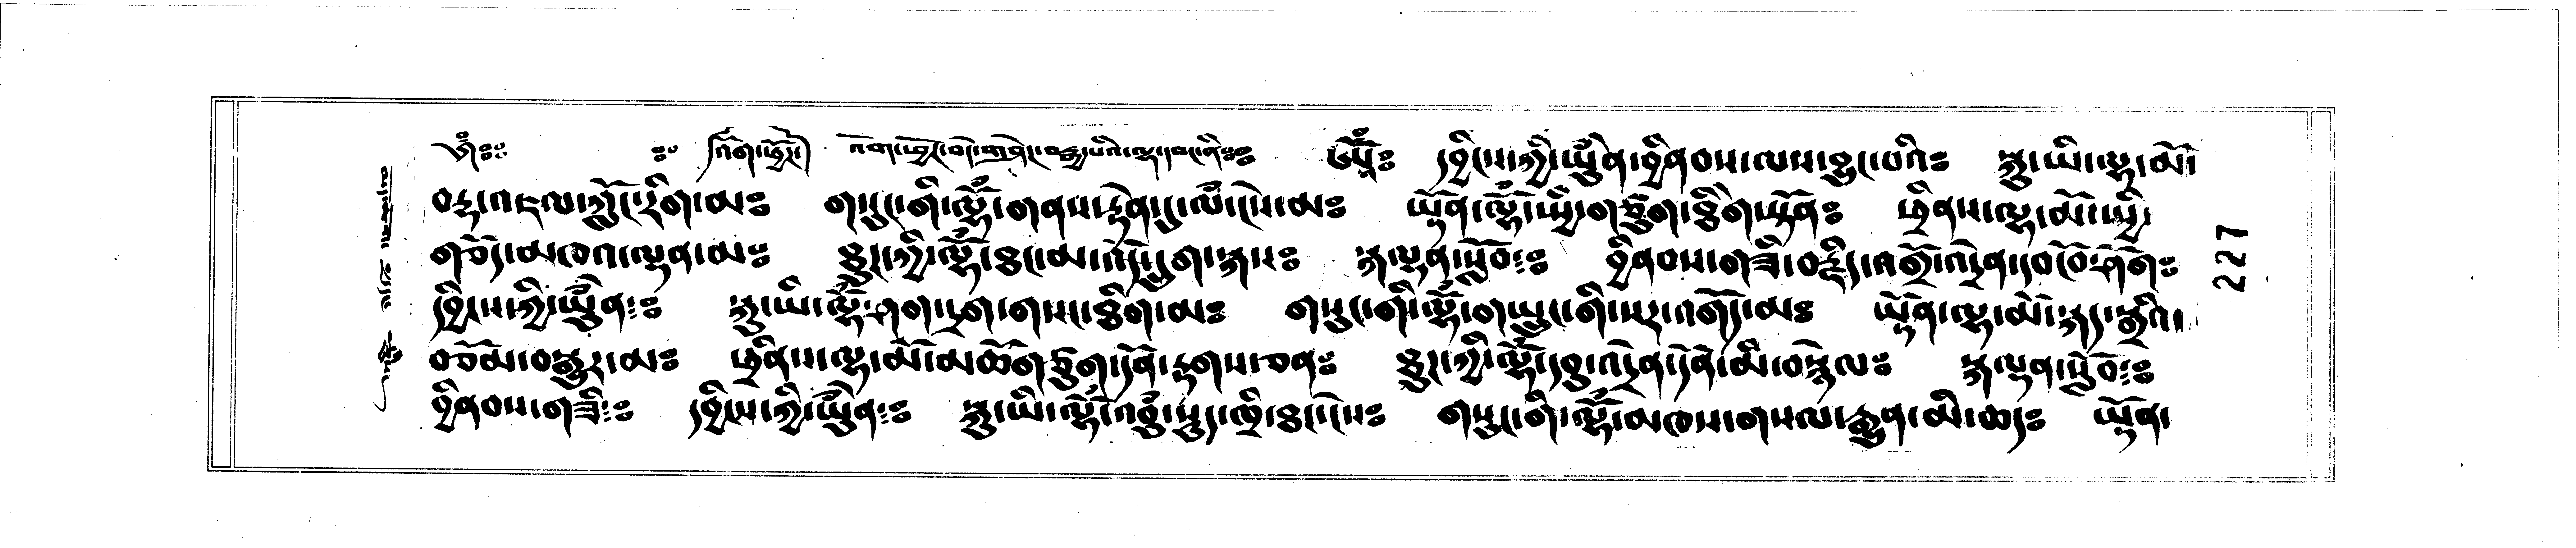༼འོག་ཕྱོགས༽འོག་ཕྱོགས་བདེར་གཤེགས་བརྒྱ་ཡི་ལྷ་དབང་ནིཿ ཨཱོྃཿ དབྱིངས་ཀྱི་ཡུམ་ཆེན་བྱིན་རླབས་ལས་བྱུང་བའིཿ སྐུ་ཡི་ལྷ་མོ་
བརྡ་འཇལ་ཀློང་རིག་མཿ གསུང་གི་ལྷ་མོ་གནས་བརྟན་ལམ་ངེས་མཿ ཡོན་ཏན་གྱི་ལྷ་མོ་སྤྱི་གཙུག་ཐིག་ལེ་སྟོནཿ ཕྲིན་ལས་ལྷ་མོ་སྤྱི་
གཅོད་མཁའ་ལྡན་མཿ ཐུགས་ཀྱི་ལྷ་མོ་ཐང་མ་འོད་དྲུག་སྐསཿ སྐལ་ལྡན་སློབ་མ་རྣམས་ལ་དབང་བསྐུར་བསཿ བྱིན་རླབས་གཟི་བརྗིད་འགྲོ་འདྲེན་དབང་ཐོབ་ཤོགཿ 
དབྱིངས་ཀྱི་ཡུམ་ཆེན་བྱིན་རླབས་ལས་བྱུང་བའིཿ སྐུ་ཡི་ལྷ་མོ་ཤག་དྲག་གསང་ཐིག་མཿ གསུང་གི་ལྷ་མོ་གཡུང་དྲུང་སར་འགོད་མཿ ཡོན་ཏན་ལྷ་མོ་སྐད་སྒྲས་
བཅོམ་བསྒྱུར་མཿ ཕྲིན་ལས་ལྷ་མོ་མཆོག་གཙུག་དོན་རྟགས་ཅནཿ ཐུགས་ཀྱི་ལྷ་མོ་དབུ་འདྲེན་དོན་མི་བསྙེལཿ སྐལ་ལྡན་སློབ་མ་རྣམས་ལ་དབང་བསྐུར་བསཿ
བྱིན་རླབས་གཟི: དབྱིངས་ཀྱི་ཡུམ་ཆེན་ བྱིན་རླབས་ལས་བྱུང་བའིཿ སྐུ་ཡི་ལྷ་མོ་འབུམ་སྡུད་ཁྲི་ཐོང་ངེསཿ གསུང་གི་ལྷ་མོ་མཁའ་དང་གསལ་རྒྱུན་མི་འཆདཿ ཡོན་ཏན་